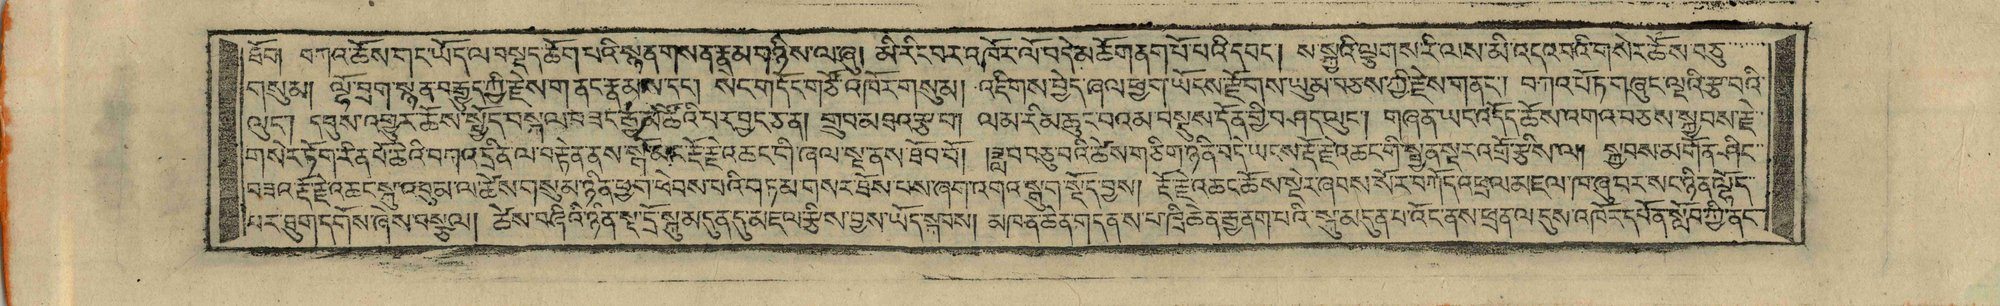ཐོབ། བཀའ་ཆོས་གང་ཡོད་ལ་བསྡད་ཆོག་པའི་སྙན་གསན་རྣམ་གཉིས་ལ་ཞུ། མི་རིང་བར་འཁོར་ལོ་བདེ་མཆོག་ནག་པོ་བའི་དབང་། ས་སྐྱའི་ལྕགས་རི་ལས་མི་འདའ་བའི་གསེར་ཆོས་བཅུ་
གསུམ། ལྷོ་བྲག་སྙན་བརྒྱུད་ཀྱི་རྗེས་གནང་རྣམས་དང་། སེང་གདོང་གཙོ་འཁོར་གསུམ། འཇིགས་བྱེད་ཞལ་ཕྱག་ཡོངས་རྫོགས་ཡུམ་བཅས་ཀྱི་རྗེས་གནང་། བཀའ་པོ་ཏ་གཞུང་ལྔའི་རྩ་བའི་
ལུང་། དབུས་འགྱུར་ཆོས་སྤྱོད་བསྐལ་བཟང་རྒྱ་མཚོའི་པར་བྱང་ཅན། གྲུབ་མཐའ་རྩ་བ། ལམ་རིམ་ཆུང་བའམ་བསྡུས་དོན་གྱི་བཤད་ལུང་། གཞན་ཡང་འདོད་ཆོས་འགའ་བཅས་སྐྱབས་རྗེ་
གསེར་ཏོག་རིན་པོ་ཆེའི་བཀའ་དྲིན་ལ་བརྟེན་ནས་སྒོ་མང་རྡོ་རྗེ་འཆང་གི་ཞལ་སྔ་ནས་ཐོབ་བོ། །ཟླ་བ་བཅུ་བའི་ཚེས་གཅིག་ཉིན་བདེ་ཡངས་རྡོ་རྗེ་འཆང་གི་སྤྱན་སྔར་འགྲོ་རྩིས་ལ། སྐྱབས་མགོན་ཤིང་
བཟའ་རྡོ་རྗེ་འཆང་སྐུ་འབུམ་ལ་ཚེས་གསུམ་ཉིན་ཕྱག་ཕེབས་པའི་གཏམ་གསར་ཐོས་པས་ཞག་འགའ་སྒུག་སྡོད་བྱས། རྡོ་རྗེ་འཆང་ཆོས་སྡེར་ཞབས་སོར་བཀོད་འཕྲལ་མཇལ་ཁ་ཞུ་བར་སང་ཉིན་ལྷོད་
པར་ཐུག་དགོས་ཞེས་བསྩལ། ཚེས་བཞིའི་ཉིན་སྔ་དྲོ་སྐུ་མདུན་དུ་མཇལ་རྩིས་བྱས་ཡོད་སྐབས། མཁན་ཆེན་གདན་ས་པ་ཁྲི་ཆེན་རྒྱ་ནག་པའི་སྐུ་མདུན་པ་འོང་ནས་ཕྲན་ལ་དུས་འཁོར་དཔོན་སློབ་ཀྱི་ནང་